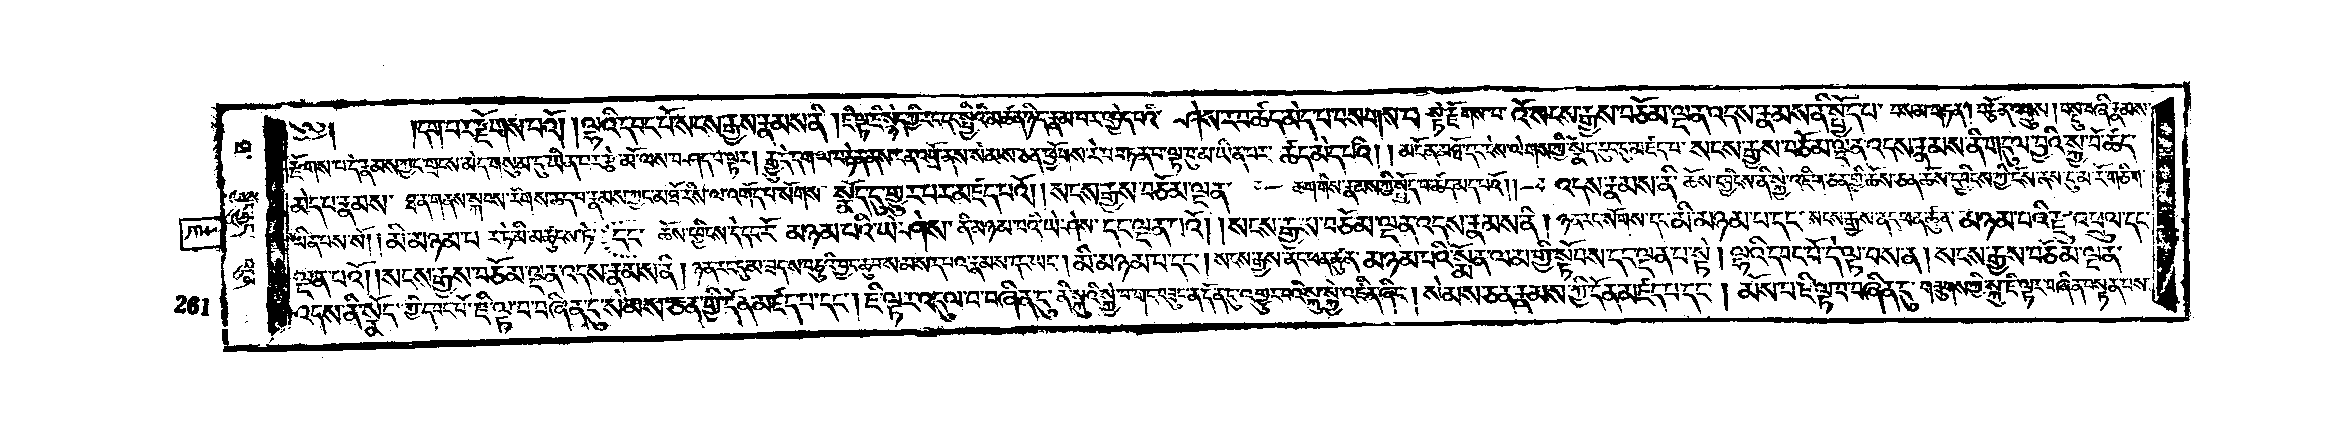༄༅། །དག་པར་རྫོགས་པའོ། །ལྷའི་དབང་པོ་སངས་རྒྱས་རྣམས་ན། ཇི་ལྟ་ཇི་སྙེད་ཀྱི་རང་དང་སྤྱིའི་མཚན་ཉིད་རྣམ་པར་འབྱེད་པའི་ཤེས་རབ་ཚད་མེད་པ་བསགས་པ་སྟེ་རྫོགས་པའོ་སངས་རྒྱས་བཅོམ་ལྡན་འདས་རྣམས་ནི་སྤྱོད་པ་བསམ་གཏན། བརྩོན་འགྲུས། བསྡུ་བཞི་རྣམས་
རྫོགས་པ་དེ་རྣམས་ཀྱང་གྲངས་མེད་གསུམ་དུ་ཡིན་པར་རྩེ་མོ་ལས་བཤད་པ་ལྟར། རྒྱུ་དེ་དག་ལ་བརྟེན་ནས་ངན་འགྲོ་ནས་སེམས་ཅན་ཕྱོགས་རེ་བ་བཏན་པ་ལྟ་བུ་མ་ཡིན་པར་ཚད་མེད་པའོ། །མངོན་མཐོ་དང་ངེས་ལེགས་ཀྱི་སྣོད་རུང་དུ་མཛད་པ་སངས་རྒྱས་བཅོམ་ལྡན་འདས་རྣམས་ནི་གདུལ་བྱའི་སྐྱེ་བོ་ཚད་
མེད་པ་རྣམས་ཐ་ན་གནས་སྐབས་རིགས་ཆད་པ་རྣམས་ཀྱང་མཐོ་རིས་ལ་འགོད་པ་སོགས་སྣོད་དུ་གྱུར་པར་མཛད་པའོ། །སངས་རྒྱས་བཅོམ་ལྡན་ཆག་གེས་རྣམས་ཀྱི་སྤྱོད་པ་ཚད་མེད་པའོ།  །འདས་རྣམས་ནི་ཆོས་དབྱིངས་ནི་སྐྱེ་འཇིག་ཅན་གྱི་ཆོས་ཅན་ཆོས་དབྱིངས་ཀྱི་ངོས་ནས་དུ་མ་རོ་གཅིག་
ཡིན་པས་སོ། །མི་མཉམ་པ་ར་ཏེ་མི་མཚུངས་ཏེ་དང་ཆོས་དབྱིངས་དེ་དང་རོ་མཉམ་པའི་ཡེ་ཤེས་ནི་མཉམ་པའི་ཡེ་ཤེས་དང་ལྡན་པའོ། །སངས་རྒྱས་བཅོམ་ལྡན་འདས་རྣམས་ནི། ཉན་རང་སོགས་དང་མི་མཉམ་པ་དང་སངས་རྒྱས་ནང་ཕན་ཚུན་མཉམ་པའི་རྫུ་འཕྲུལ་དང་
ལྡན་པའོ། །སངས་རྒྱས་བཅོམ་ལྡན་འདས་རྣམས་ནི། ཉན་རང་དུ་མ་ཟད་ས་བཅུའི་བྱང་ཆུབ་སེམས་དཔའ་རྣམས་དང་ཡང་།  མི་མཉམ་པ་དང་། སངས་རྒྱས་ནང་ཕན་ཚུན་མཉམ་པའི་སྨོན་ལམ་གྱི་སྟོབས་དང་ལྡན་པ་སྟེ། ལྷའི་དབང་པོ་དེ་ལྟ་བས་ན། སངས་རྒྱས་བཅོམ་ལྡན་
འདས་ནི་སྣོད་ཀྱི་དབང་པོ་ཇི་ལྟ་བ་བཞིན་དུ་སེམས་ཅན་གྱི་དོན་མཛད་པ་དང་། ཇི་ལྟར་འདུལ་བ་བཞིན་དུ་ནི་སྐུའི་སྐྱེ་བ་གང་བཟུང་ན་དོན་དུ་འགྱུར་བའི་སྐུ་སྐྱེ་འཛིན་ཞིང་།  སེམས་ཅན་རྣམས་ཀྱི་དོན་མཛད་པ་དང་། མོས་པ་ཇི་ལྟ་བ་བཞིན་དུ་གཟུགས་ཀྱི་སྐུ་ཇི་ལྟར་བཞིན་བསྟན་པས་